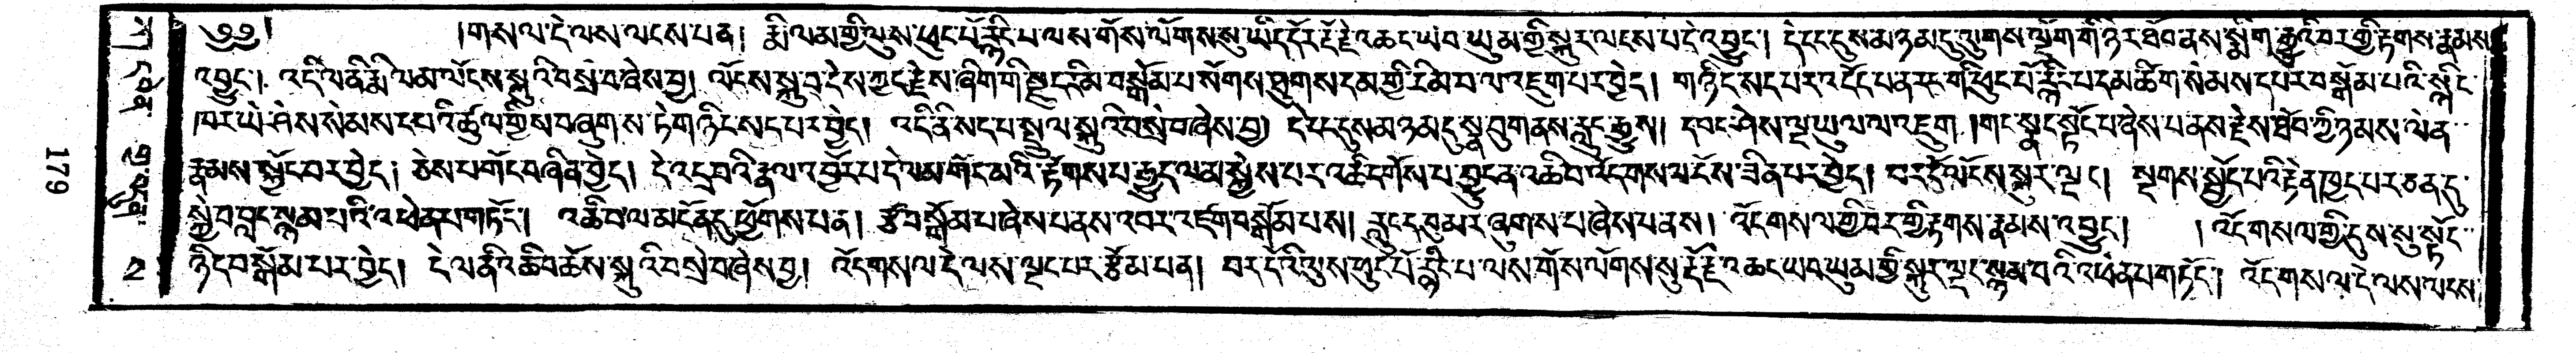༄༅། །གསལ་དེ་ལས་ལངས་པ་ན། རྨི་ལམ་གྱི་ལུས་ཕུང་པོ་རྙིང་པ་ལས་གོས་ལོགས་སུ་ཡིད་དོར་རྡོ་རྗེ་འཆང་ཡབ་ཡུམ་གྱི་སྐུར་ལངས་པ་དེ་འབྱུང་། དེ་དང་དུས་མཉམ་དུ་ལུགས་ལྡོག་གི་ཉེར་ཐོབ་ནས་སྨིག་རྒྱུའི་བར་གྱི་རྟགས་རྣམས་
འབྱུང་། འདི་ལ་ནི་རྨི་ལམ་ལོངས་སྐུའི་བསྲེ་བ་ཞེས་བྱ། ལོངས་སྐུ་བ་དེས་ཀྱང་རྗེས་ཞིག་གི་སྡུད་རིམ་བསྒོམ་པ་སོགས་ཐུགས་དམ་གྱི་རིམ་པ་ལ་འཇུག་པར་བྱེད། གཉིད་སང་པར་འདོད་པ་ན་རང་གི་ཕུང་པོ་རྙིང་པ་དམ་ཚིག་སེམས་དཔར་བསྒོམ་པའི་སྙིང་
ཁར་ཡེ་ཤེས་སེམས་དཔའི་ཚུལ་གྱིས་བཞུགས་ཏེ་གཉིད་སད་པར་བྱེད། འདི་ནི་སད་པ་སྤྲུལ་སྐུའི་བསྲེ་བ་ཞེས་བྱ། དེ་དང་དུས་མཉམ་དུ་སྣ་བུག་ནས་རླུང་རྒྱུས། དབང་ཤེས་ལྔ་ཡུལ་ལ་འཇུག །གང་སྣང་སྟོང་པ་ཞེས་པ་ནས་རྗེས་ཐོབ་ཀྱི་ཉམས་ལེན་
རྣམས་སྐྱོང་བར་བྱེད། ཅེས་པ་གོང་བཞིན་བྱེད། དེ་འདྲ་བའི་རྣལ་འབྱོར་པ་དེ་ལམ་གོང་མའི་རྟོགས་པ་རྒྱུད་ལམ་སྐྱེས་པར་འཆི་དགོས་པ་བྱུང་ན་འཆི་བ་འོད་གསལ་ངོས་ཟིན་པར་བྱེད། བར་དོ་ལོངས་སྐུར་ལྡང་། སྔགས་སྦྱོད་པའི་རྟེན་ཁྱད་པར་ཅན་དུ་
སྐྱེ་བ་བླང་སྙམ་པའི་འཕེན་པ་གཏོང་། འཆི་བ་ལ་མངོན་དུ་ཕྱོགས་པ་ན། རྩ་བསྒོམ་པ་ཞེས་པ་ནས་འབར་འཛག་བསྒོམ་པས། རླུང་དབུ་མར་ཞུགས་པ་ཞེས་པ་ནས། འོད་གསལ་གྱི་བར་གྱི་རྟགས་རྣམས་འབྱུང་། །འོད་གསལ་གྱི་དུས་སུ་སྟོང་
ཉིད་བསྒོམ་པར་བྱེད། དེ་ལ་ནི་འཆི་བ་ཆོས་སྐུའི་བསྲེ་བ་ཞེས་བྱ། འོད་གསལ་དེ་ལས་ལྡང་བར་རྩོམ་པ་ན། བར་དོའི་ལུས་ཕུང་པོ་རྙིང་པ་ལས་གོས་ལོགས་སུ་རྡོ་རྗེ་འཆང་ཡབ་ཡུམ་གྱི་སྐུར་ལྡང་སྙམ་པའི་འཕེན་པ་གཏོང་། འོད་གསལ་དེ་ལས་ལངས་